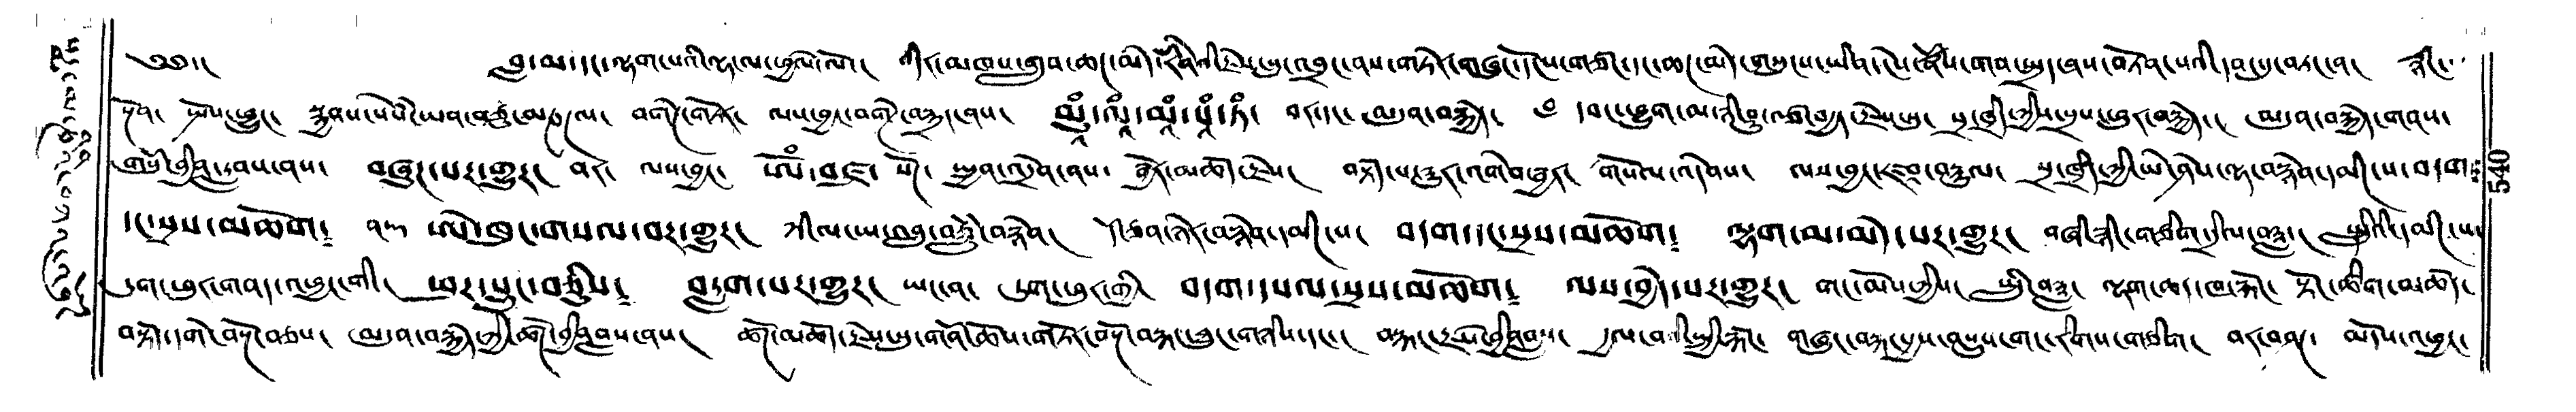བླ་མ་དང་ལྷག་པའི་ལྷ་ལ་ཕྱག་འཚལ་ལོ། འདིར་མཁས་གྲུབ་ཆགས་མེད་རིན་པོ་ཆེའི་རྗེས་སུ་འབྲངས་ནས་གཏེར་གཞུང་དངོས་གཙང་དང་ཆགས་མེད་གསུང་ཡིན་ངེས་རྣམས་གབ་སྤྲད་ནས་འདཽན་པའི་དབང་དུ་བཏང་ན། རྙིང་
སྔོན། སྤོས་ཕྱུང་། སྐྱབས་སེམས། ཡན་བཅུ། མཎྜལ། བགེགས་གཏོར། ལས་བྱང་བགེགས་བསྐྲད་ནས། མཱུཾ་ལཱཾ་མཱཾ་པཱཾ་ཏཾ། བར་དང་། མདུན་བསྐྱེད། དབང་ཕྱུག་མ་ཉི་ཤུ་རྩ་བརྒྱད་རྗེས་སུ། པྲད་ཁྲིད་ཀྱིས་སྲས་ཕུར་བསྐྱེད། མདུན་བསྐྱེད་གནས་
གསུམ་བྱིན་རླབས་ནས། བཞུགས་པར་གྱུར༔ བར། ལས་བྱང་། ཨོཾ་བཛྲ༴ སོགས། སྤྱན་འདྲེན་ནས། སྦྱོར་མཆོད་རྗེས། བསྟོད་པ་ཟུར་འགེབ་སྦྱར། གསོལ་འདེབས། ལས་བྱང་ཛབྡ་བསྐུལ། པྲ་ཁྲིད་ཀྱི་ཡེ་ཤེས་ལྷ་བསྙེན་དམིགས་པ། བདག་
དང་སྲས་མཆོག༴ ནས། ཨེ་ཁུང་གསལ་བར་གྱུར། ཀི་ལ་ཡ་འབྲུ་བཅུ་གསུམ་བསྙེན། དམ་ཅན་བསྙེན་དམིགས། བདག་དང་སྲས་མཆོག༴ ལྷག་མ་མེད་པར་གྱུར། བཞི་སྙིང་གཅིག་དྲིལ་བཟླ། སྤུ་གྲིའི་དམིགས་པ་
དུག་ཕུར་གནད་འཕྱང་གི ཕུར་སྲུང་བཅུ་གཉིས༴ བརླག་པར་གྱུར། ཡང་ན། དུག་ཕུར་གྱི། བདག་དཔལ་སྲས་མཆོག༴ ལས་བྱེད་པར་གྱུར། གང་མོས་ཀྱིས། སྤུ་གྲི་བཟླ། ལྷག་ཆད་ཁ་སྐོང་། སྟོང་ཚིག་མཆོད་
བསྟོད་དགེ་བསྔོ་བཅས། མདུན་བསྐྱེད་ཀྱི་ཚོགས་བྱིན་རླབས་ནས། ཚོགས་མཆོད་རྗེས་སུ་གནམ་ཆོས་གཏོར་བསྔོ་བསྐང་ཐུང་གཉིས་དང་། བསྐང་རྫས་བྱིན་རླབས། རྒྱལ་བའི་སྤྱི་སྐོང་། གཞུང་བསྐང་རྒྱས་བསྡུས་གང་རིགས་གཅིག བར་བཤགས། མདོས་འཕྱང་།